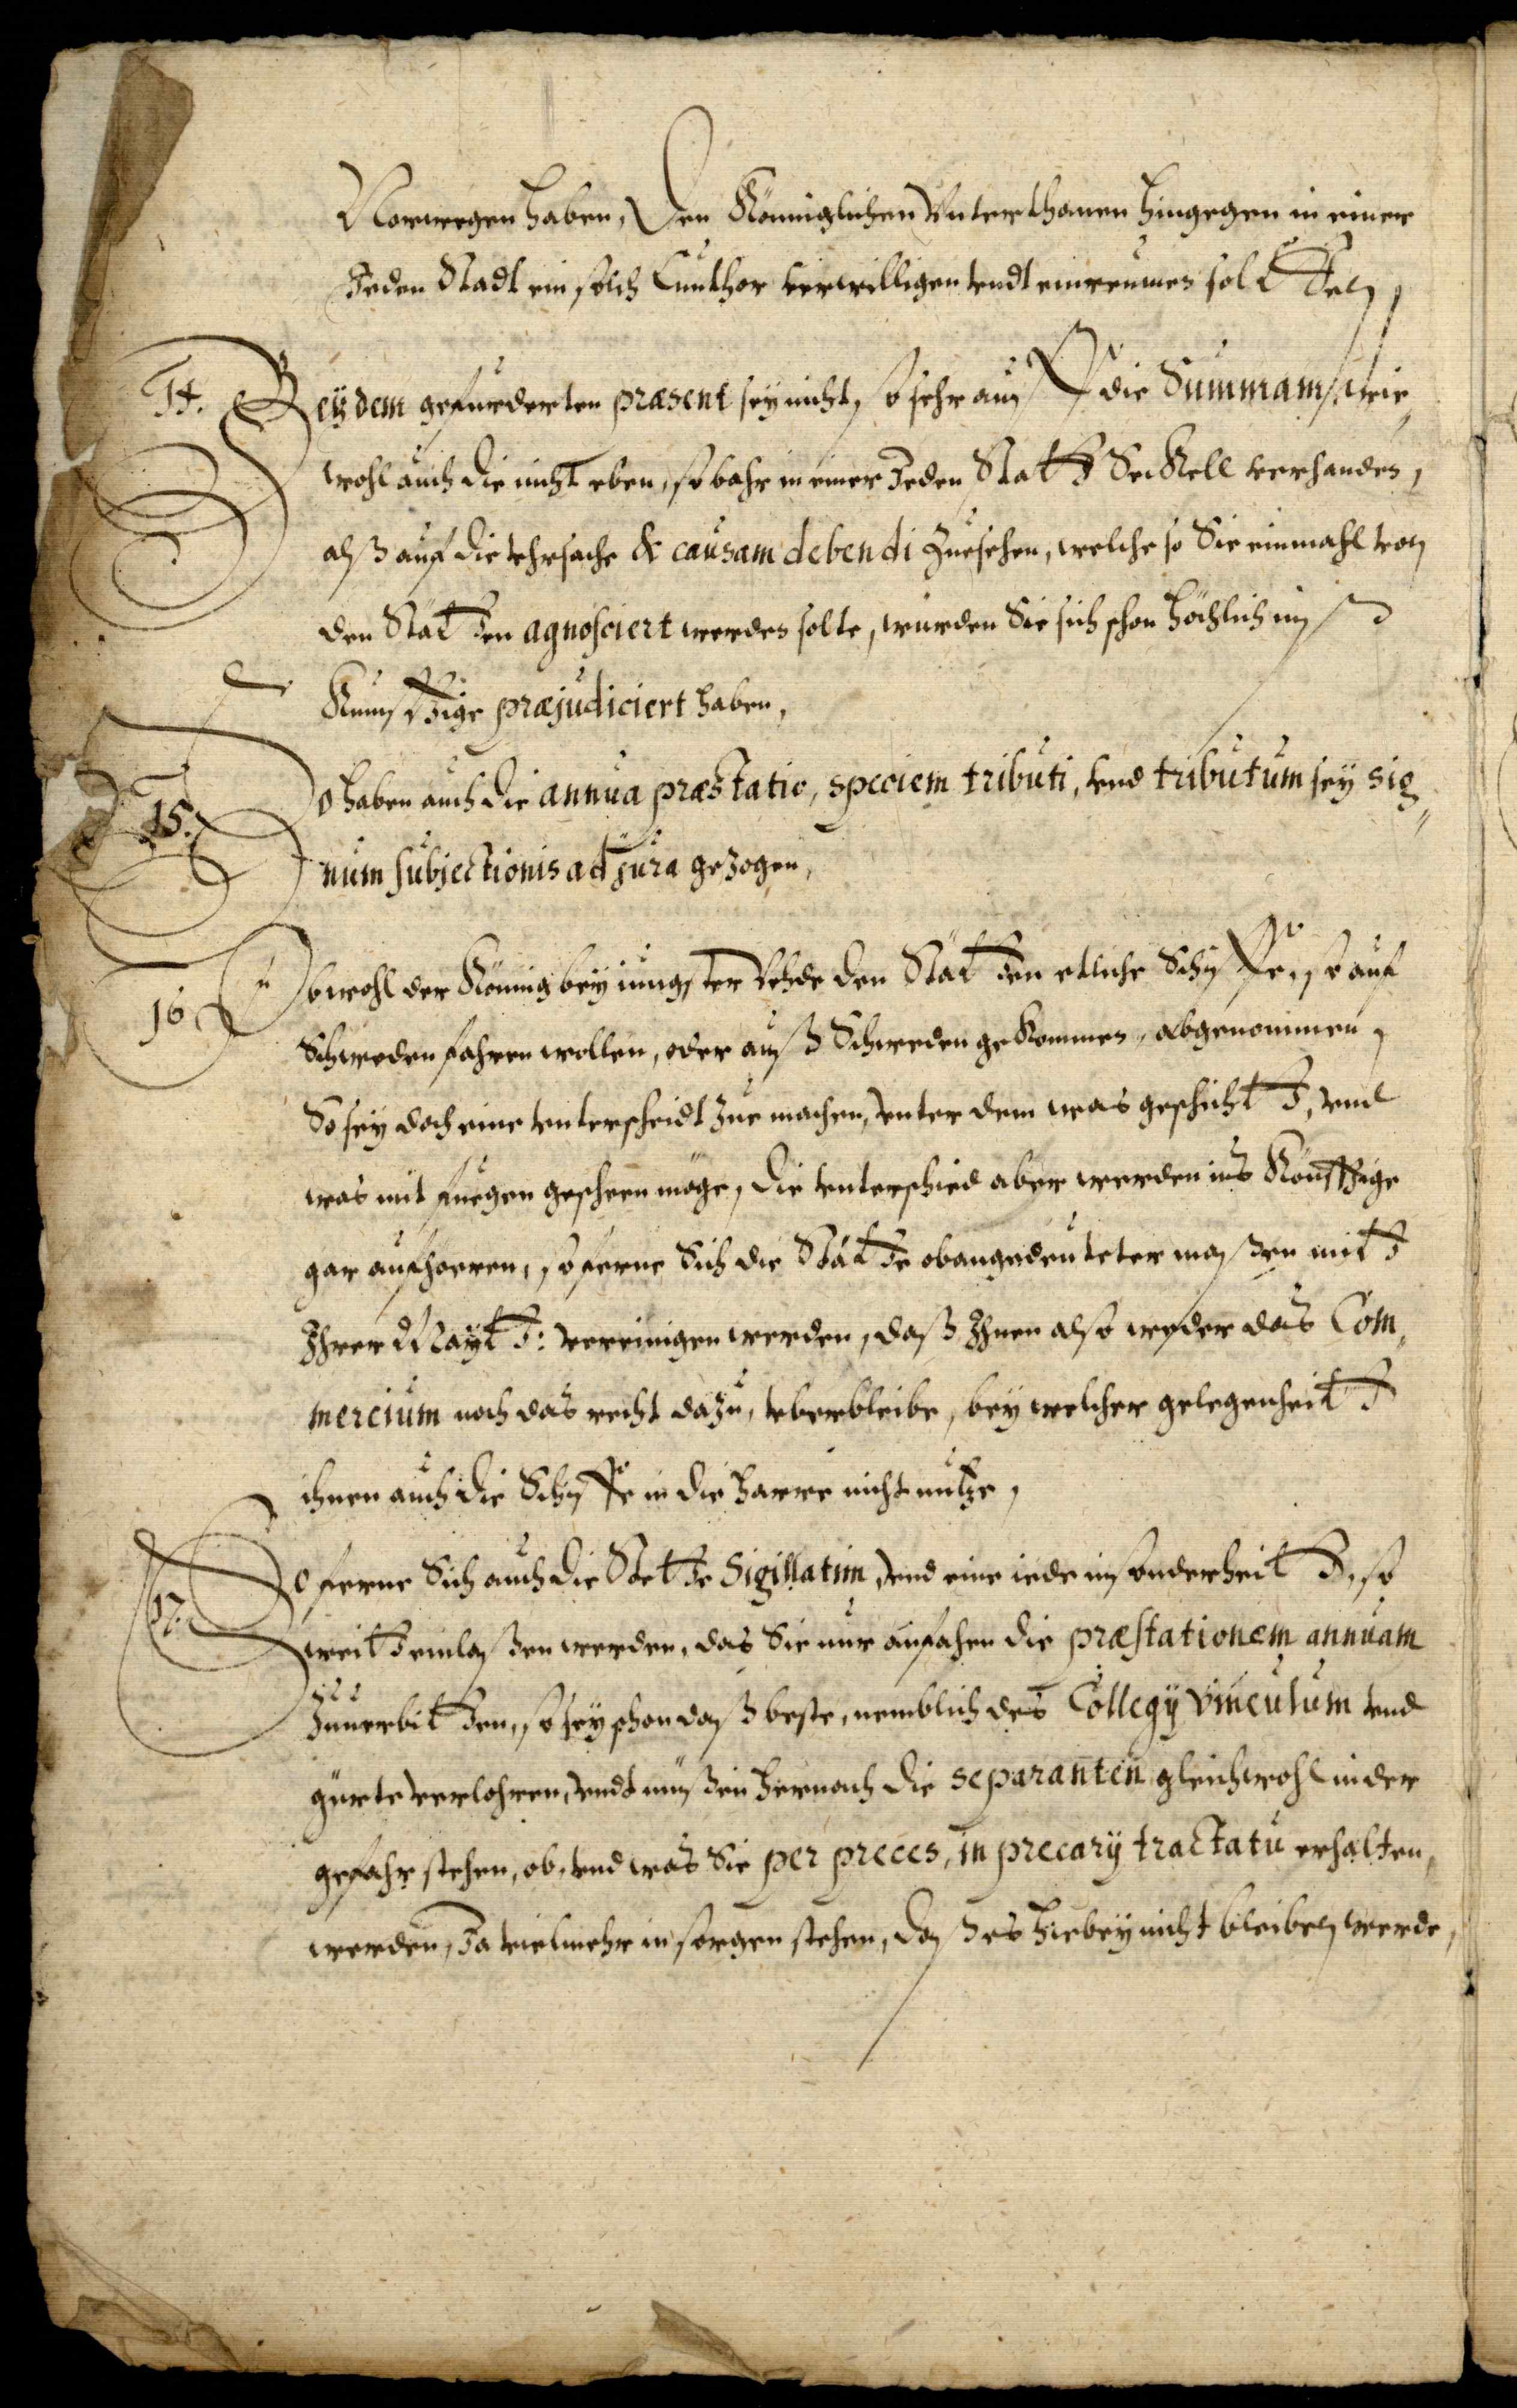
Norwegen haben, Den Könniglichen Vnterthanen hingegen in einer
jeden Stadt ein solch Cunthor verwilligen vndt einreumen soltten,
Beij dem gefurderten praesent seij nicht, so sehr auff die Summam wie
wohl auch die nicht eben, so bahr in einer Jeden Statt Seckell verhanden,
alß auf die vhrsache & causam debendi Zuesehen, welche so Sie einmahl von
den Stätten agnosciert werden solte, wurden Sie sich schon höchlich inß
Kumfftige praejudiciert haben,
So haben auch die annua praestatio, speciem tributi, vnd tributum seij sig¬
num subiectionis ad jura gezogen,
Obwohl der Köning beij iungster Vehde den Stätten etliche Schiffe, so auf
Schweden fahren wollen, oder auß Schweden gekommen, abgenommen,
So seij doch eine vnterscheidt zue machen, vnter dem was geschichtt, vnd
was mit fuegen gescheen möge, die vnterschied aber werden ins Könfftige
gar aufhoeren, so ferne Sich die Stätte obangedeuteter maßen mitt
Ihrer Maijtt: vereinigen werden, daß Ihnen also weder das Com¬
mercium noch das recht dazu, vberbleibe, beij welcher gelegenheitt
ihnen auch die Schiffe in die Harre nicht nutze,
So ferner Sich auch die Stette Sigillatim, vnd eine iede insonderheitt, so
weitt einlaßen werden, das Sie nur auf ahen die praestationem annuam
zuuerbitten, so seij schon daß beste, nemblich des Collegij vinculum vnd
gürte verlohren, vndt müßen hernach die separanten gleichwohl in der
gefahr stehen, ob, vnd was Sie per preces, in precarij tractatu erhalten,
werden, Ja vielmehr in sorgen stehen, Daß es hiebeij nicht bleiben werde,
14.
15.
16
17.
